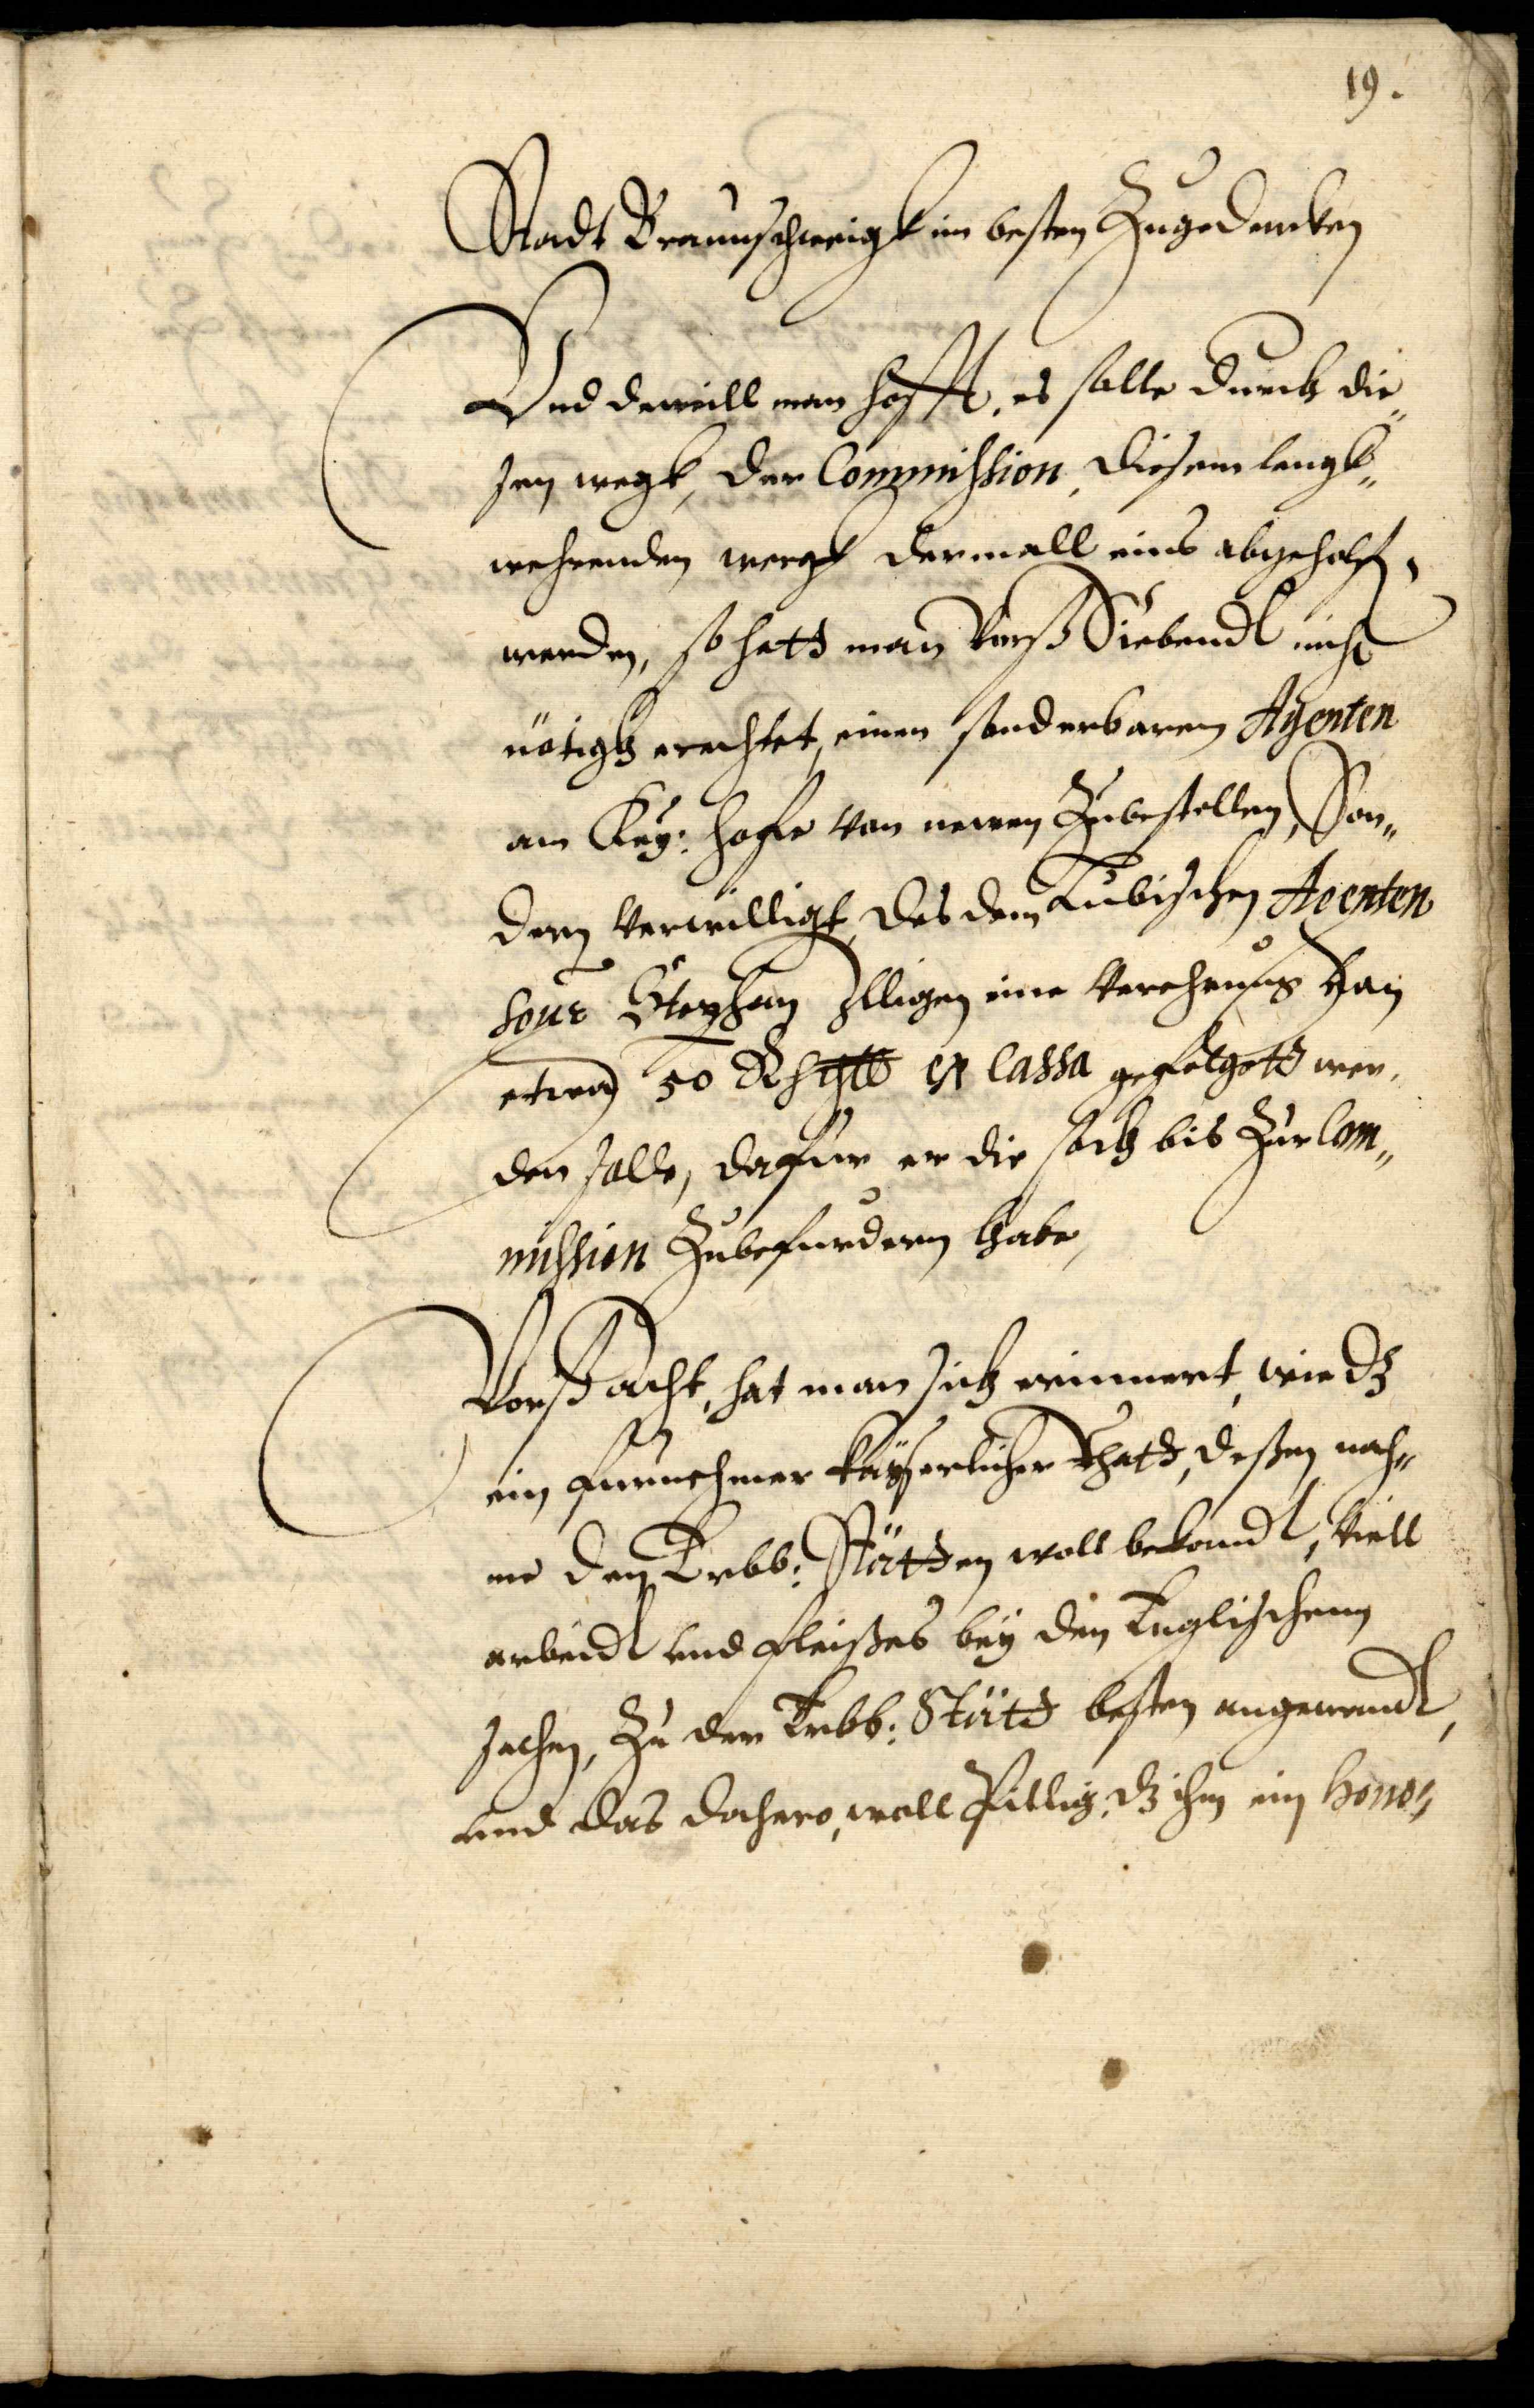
19.
Stadt Braunschweigk in besten zugedenken
Vnd deweill man hofft, es solle durch die¬
sen wegk, der Commission, diesem langk¬
wehrenden wergk dermall eins abgeholfen
werden, so hatt man Vorß Siebendt nicht
nötigk erachtet, einen sonderbaren Agenten
am Keij: hofe von newen zubestellen, Son¬
dern verwilligt, des dem Lubischen Agenten
Sour Stephan Illigen eine verehrung van
etwa 50 Rhthll ex Cassa gefolgeth wer¬
den solle, dafur er die sach bis zur Com¬
mission zubefurdern habe,
Vorß Acht, hat man sich erinnert, wie das
ein furnehmer Kaijserlicher Rhatt, deßen nah¬
me den Erbb: Stätten woll bekandt, viell
arbeidt vnd fleißes beij den Englischenn
sachen, zu der Erbb: Stätt besten angewandt,
vnd das dahero, woll Pillig, das ihm ein hono¬
